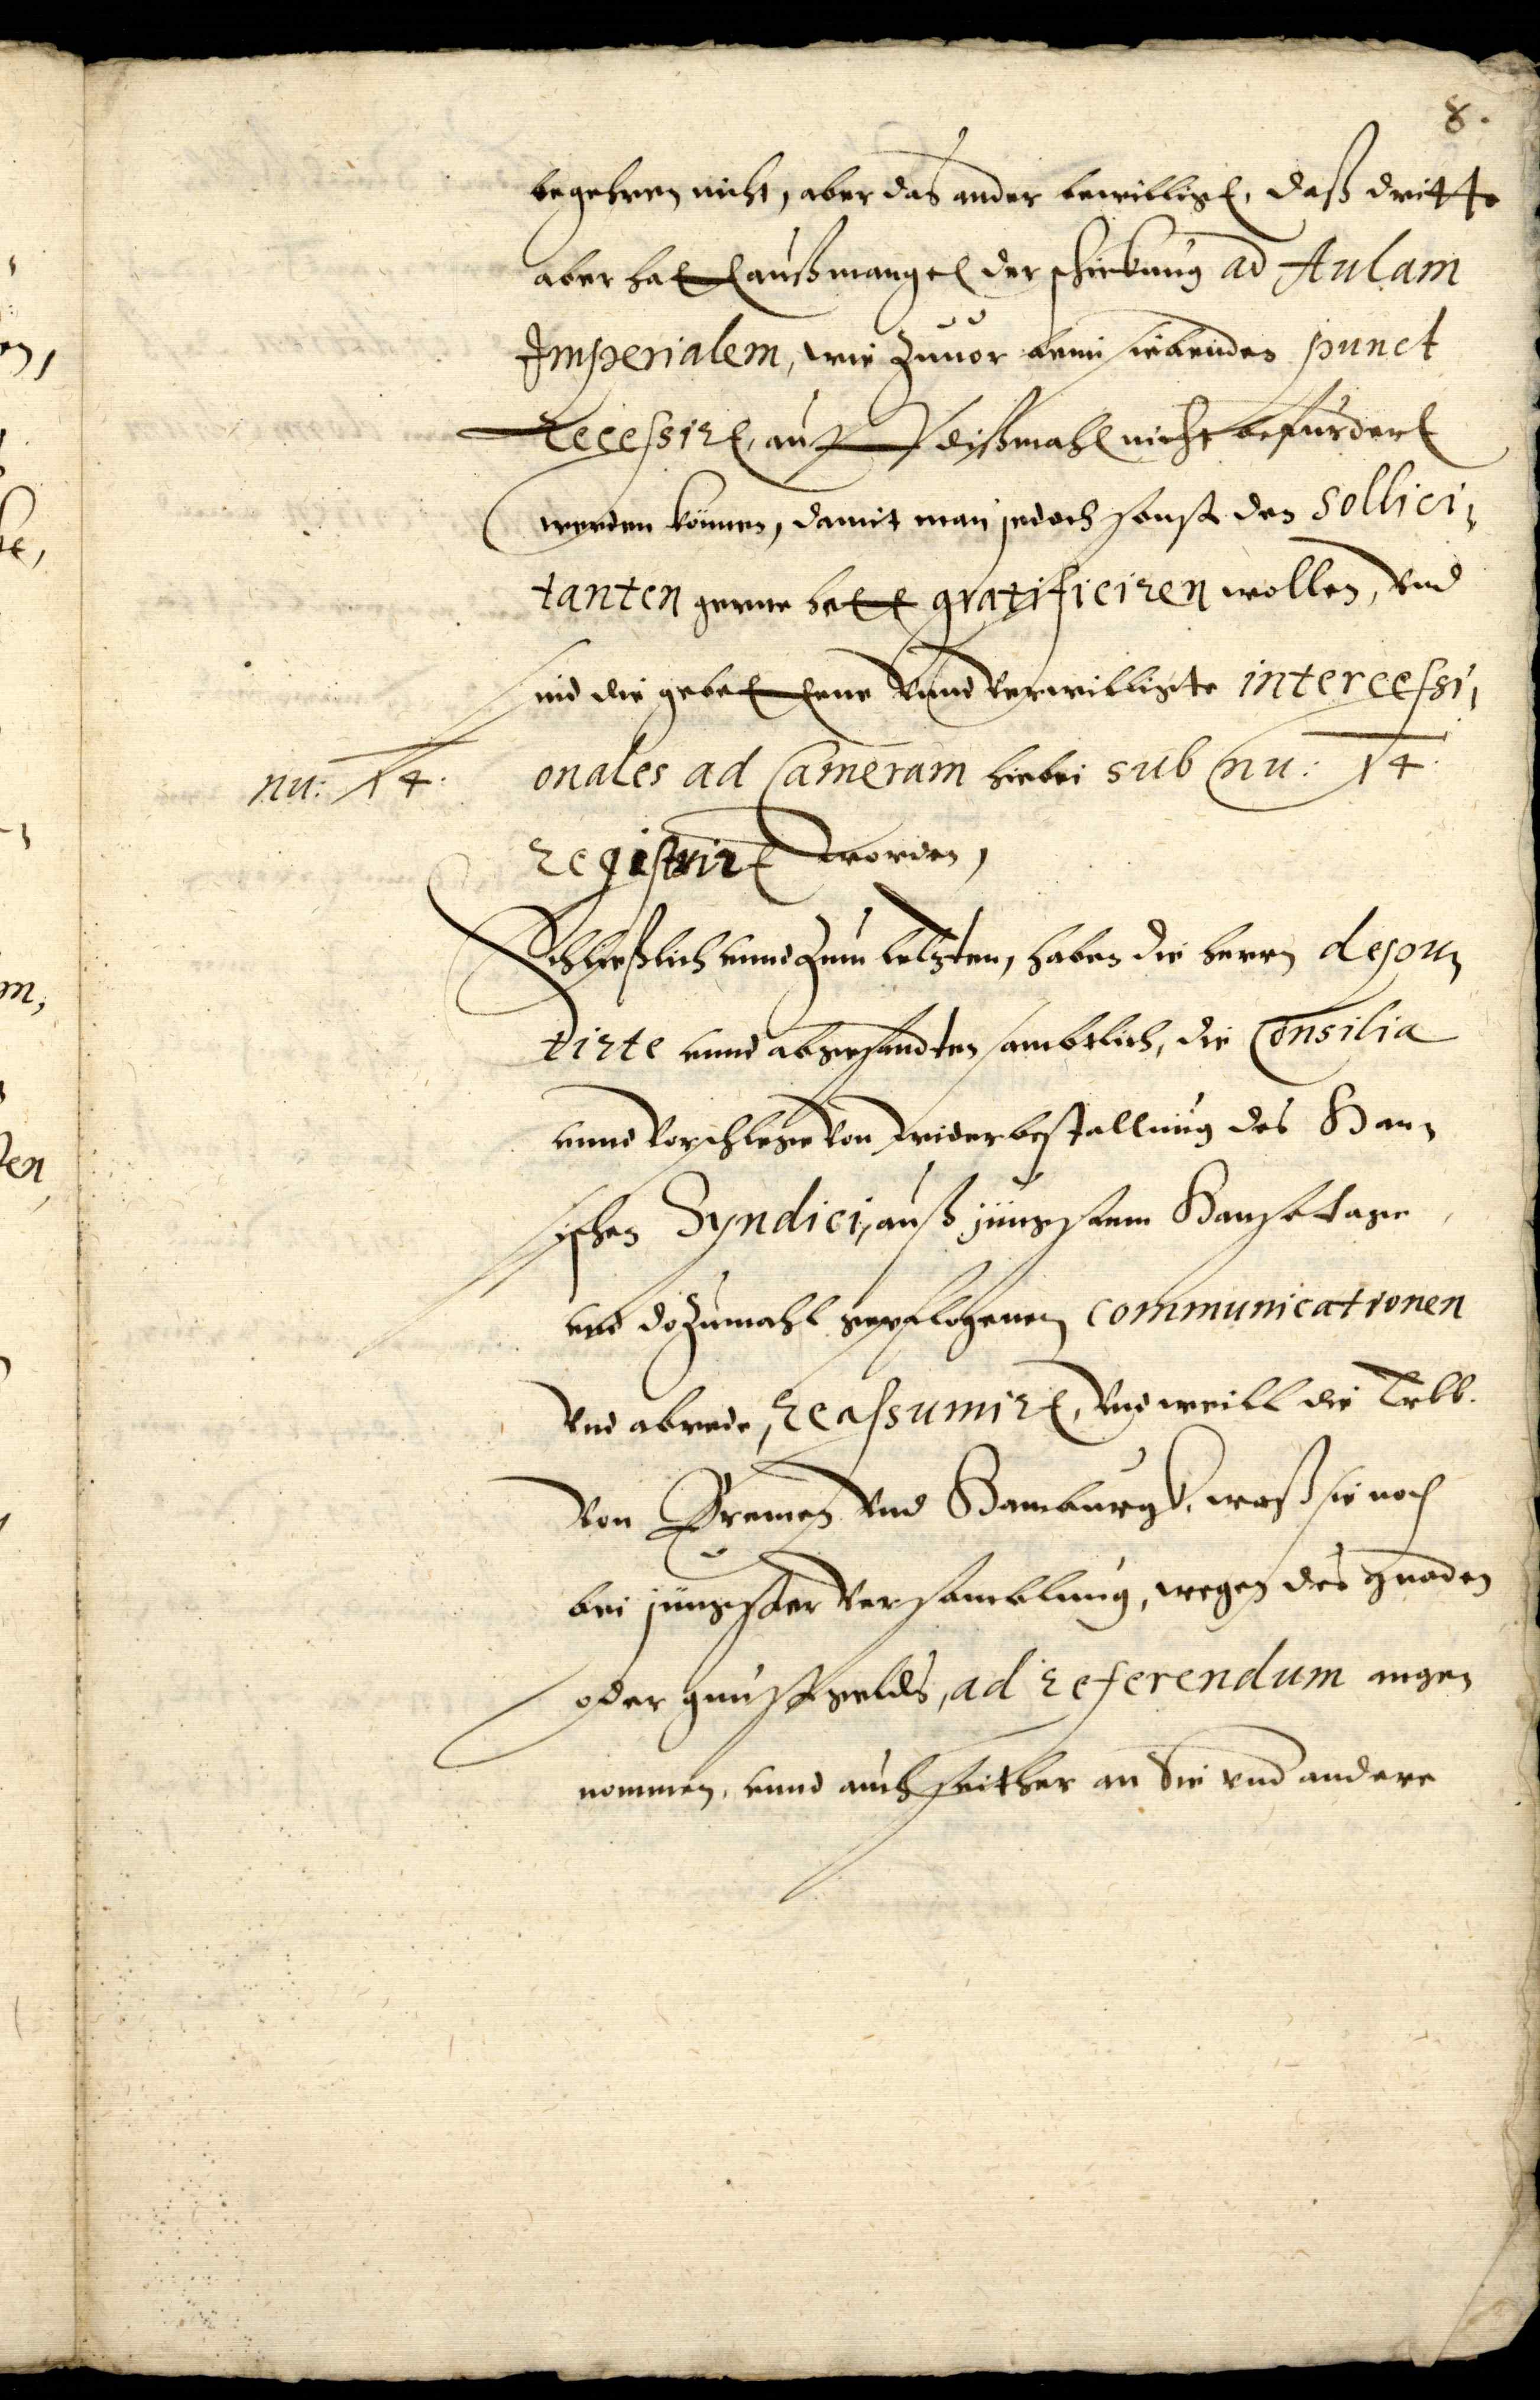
8.
begehren nicht, aber das ander bewilligt, daß dritte
aber hatt auß mangel der schickung ad Aulam
Imperialem, wie zuuor beim siebenden punct
recessirt, auff dißmahl nicht befurdert
werden können, damit man jedoch sonst den sollici¬
tanten gerne hatt gratificiren wollen, vnd
sind die gebettene vnnd verwilligte intercessi¬
onales ad Cameram hirbei sub nu: 14
registrirt worden,
Schließlich vnnd zum letzten, haben die herrn depu¬
tirte vnnd abesandten sambtlich, die consilia
vnnd vorschlege von widerbestallung des Han¬
sichen Syndici, auß jüngstem Hansetage
vnd dozumahl gepflogenen communicationen
vnd abrede, reassumirt, vnd weill die Erbb.
von Bremen vnd Hamburgk, waß sie noch
bei jüngster versamblung, wegen des gnaden
oder gunst gelds, ad referendum ange¬
nommen vnnd auch seither an sie vnd andere
nu: 14.
